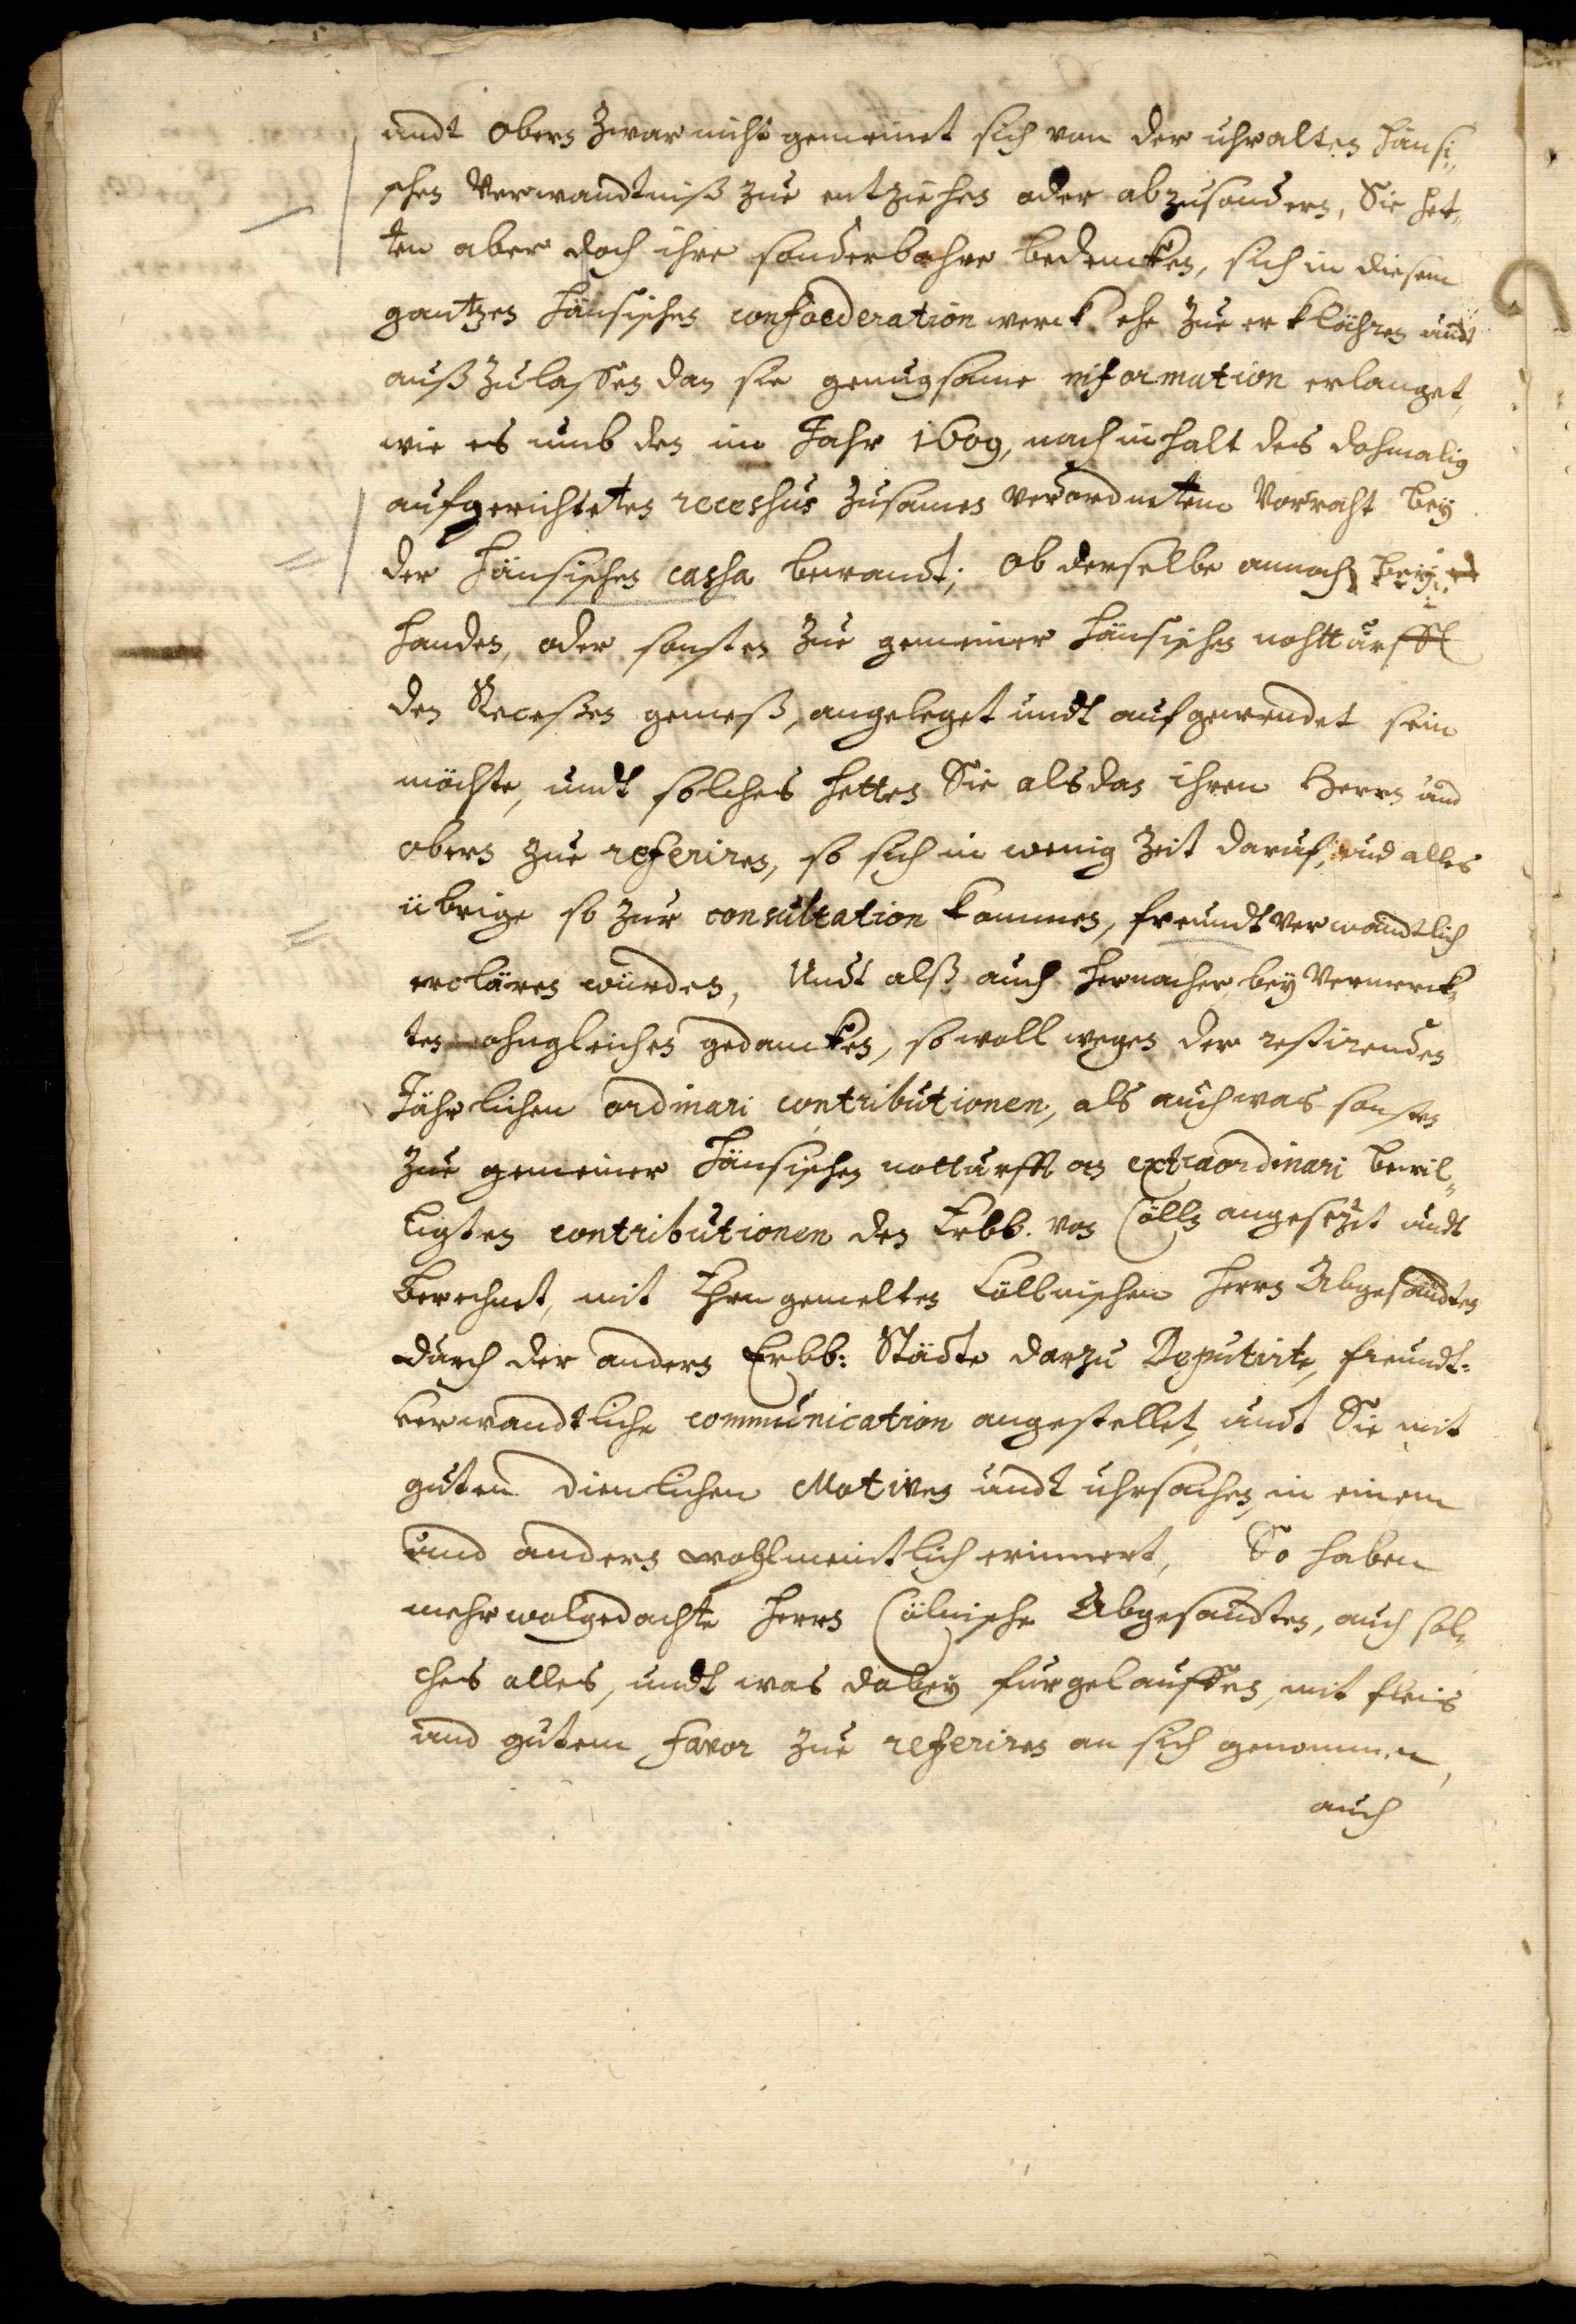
undt obern Zwar nicht gemeinet sich von der uhralten hänsi¬
schen Verwandtniß zue entziehen oder abzusondern, Sie het¬
ten aber doch ihre sonderbahre bedencken, sich in diesem
gantzen hänsischen confoederation werck ehe zue erklähren undt
außzulassen dan sie genugsame information erlanget
wie es umb den im Jahr 1609, nach inhalt des dahmalig
aufgerichteten recessus zusamen verordnetem Vorraht beij
der hänsischen cassa bewandt; Ob derselbe annoch beij¬
handen, oder sonsten zue gemeiner hänsischen nohtturfft
den Receßen gemeß, angeleget undt aufgewendet sein
möchte, undt solches hetten Sie als dan ihren Herrn und
obern zue referiren, so sich in wenig Zeit daruf, und alles
übrige so zur consultation kommen, freundtverwandtlich
erclären würden, Undt alß auch hernacher beij Vermerck¬
ten ohngleichen gedancken, so woll wegen der restirenden
Jährlichen ordinari contributionen, als auch was sonsten
zue gemeiner hänsischen notturfft an extraordinari bewil¬
ligten contributionen den Erbb. von Cölln angesetzet undt
Berechnet, mit Ehrn gemelten Cöllnischen herrn abgesandten
durch der andern Erbb: Städte darzu Deputirte, freundt¬
verwandtliche communication angestellet, undt Sie mit
guten dienlichen Motiven undt uhrsachen, in einem
und andern wohlmeintlich erinnert, So haben
mehr wolgedachte herrn Cölnische abgesandten, auch sol¬
ches alles, undt was dabeij furgelauffen, mit fleis
und gutem favor zue referiren an sich genommen,
auch
